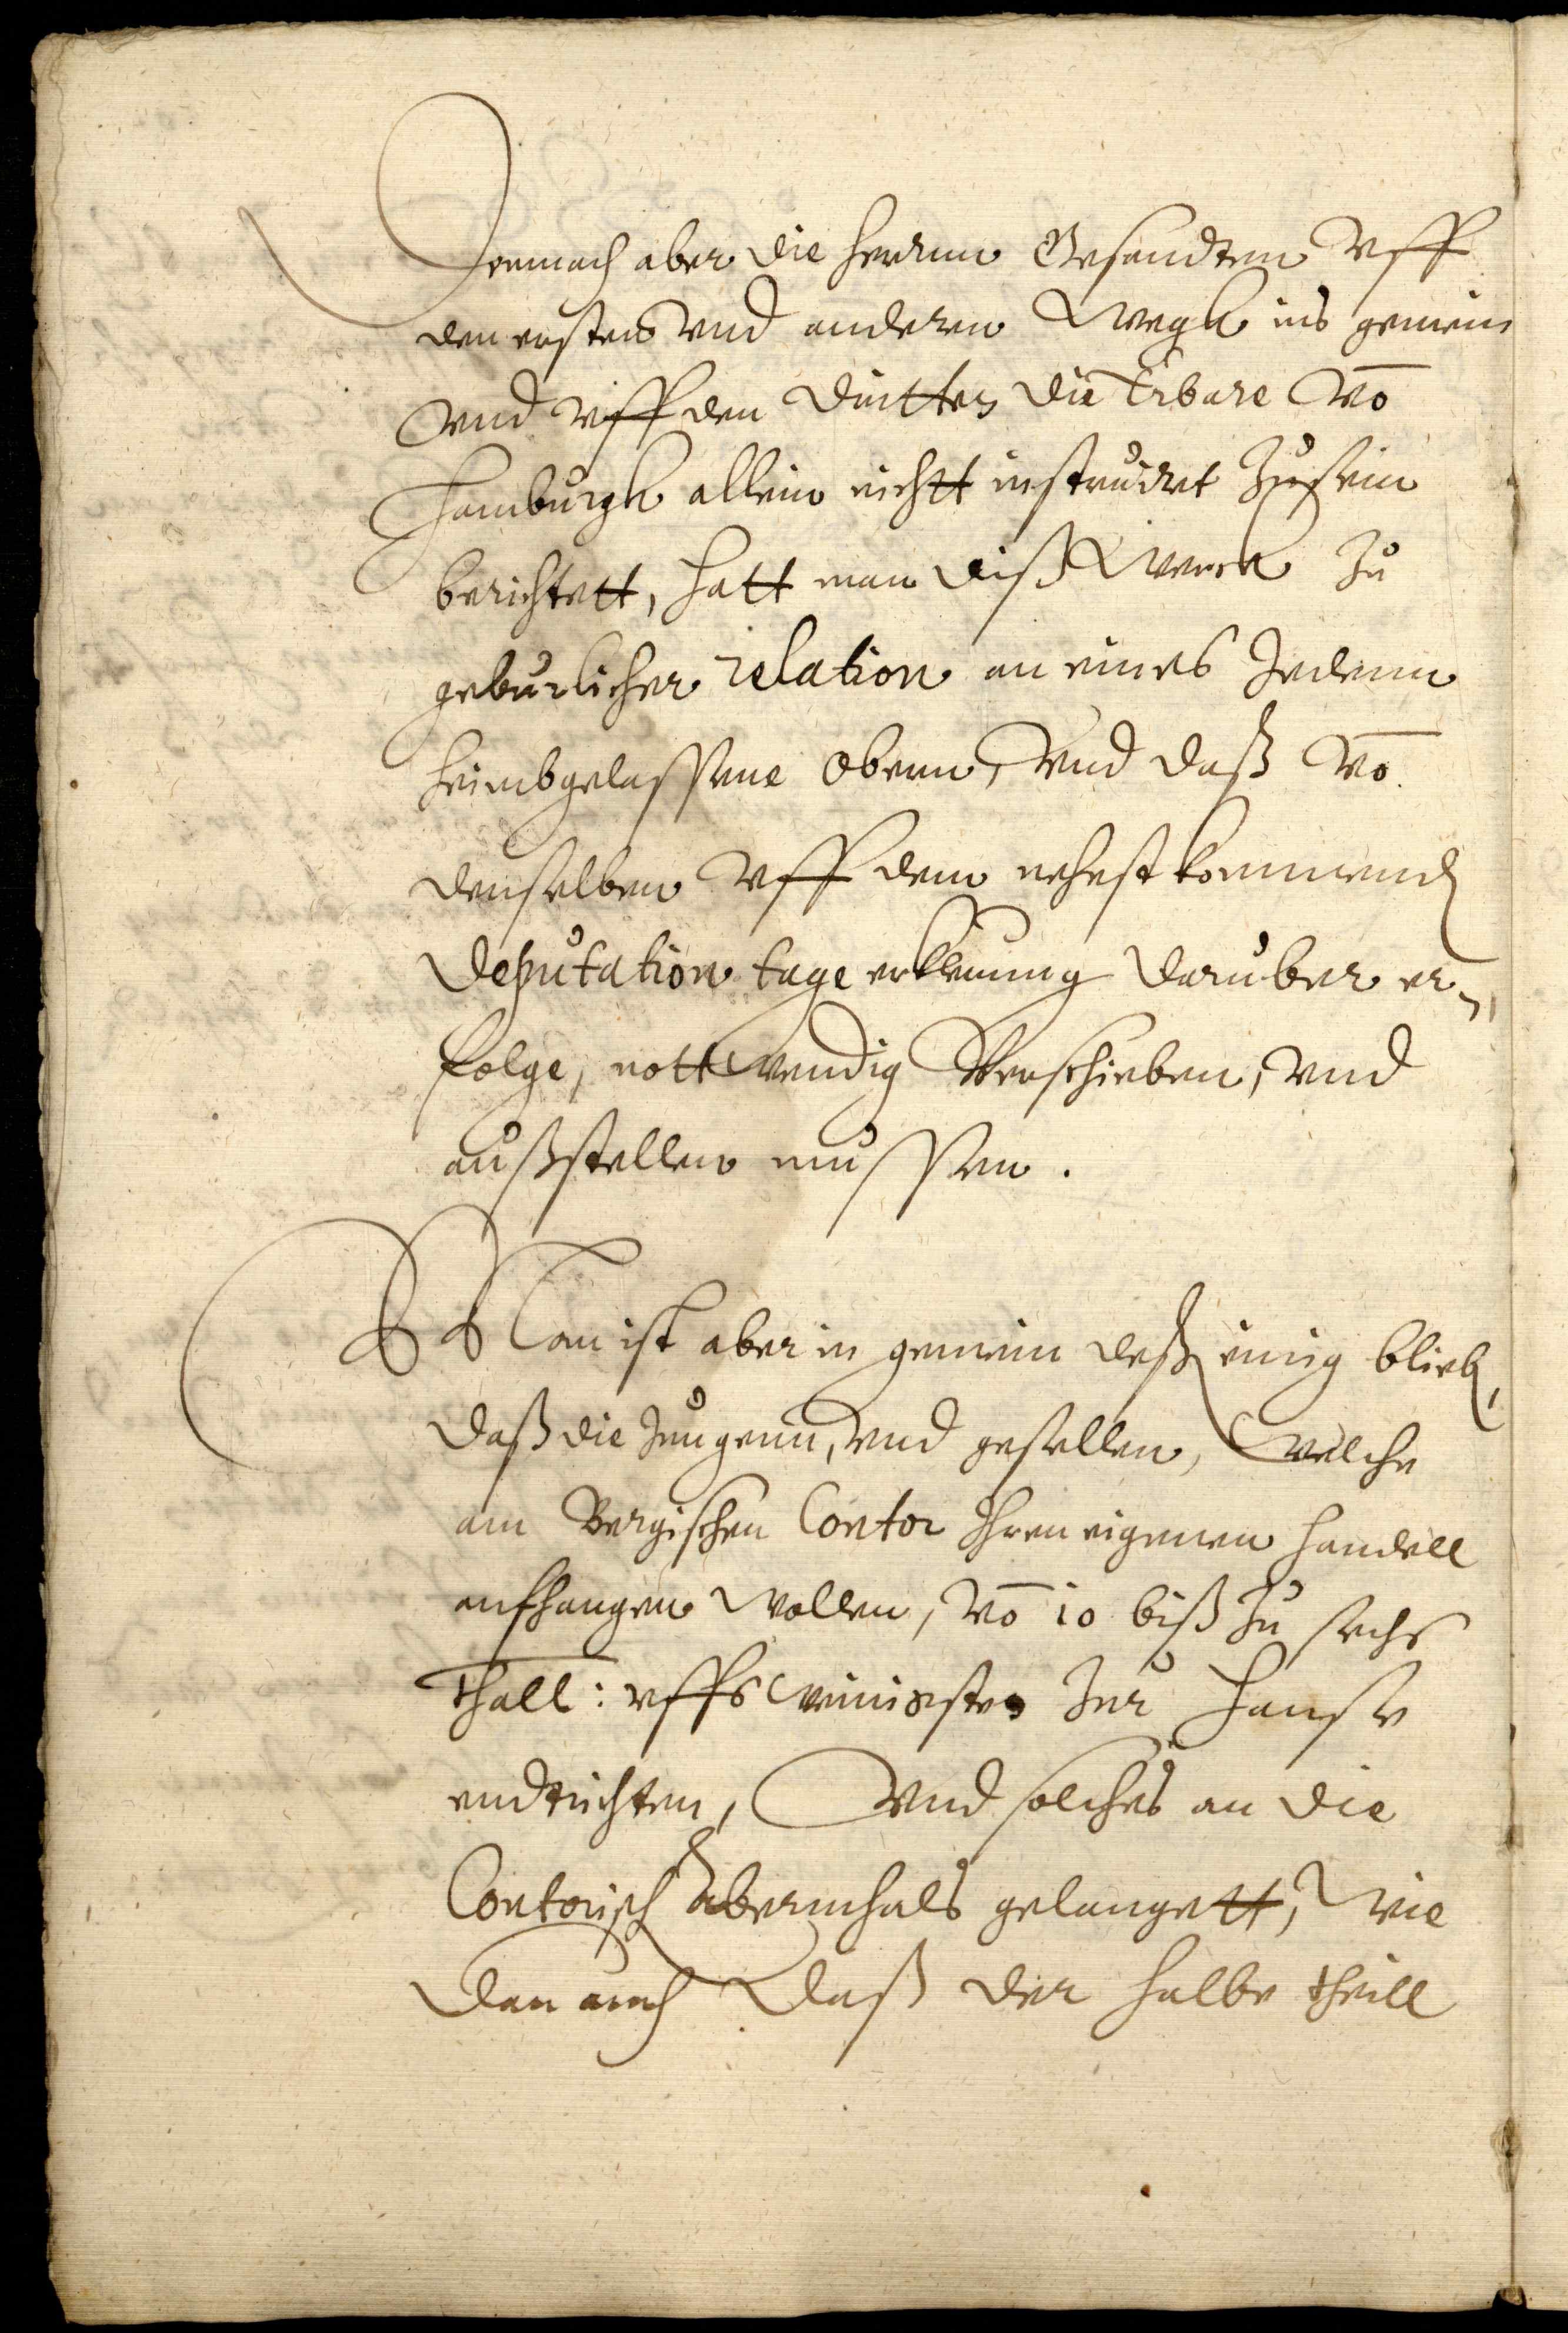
Demnach aber die herrnn Gesandten vff
den ersten vnd andern wegk ins gemein
vnd uff den dritten die Erbare von
Hamburgk allein nicht instruiret zu sein
berichtett, hatt man diß Werck zu
geburlicher relation an eines Jedenn
heimgelassene obern, vnd daß von
denselben vff dem nehest kommenden
Deputation tage erklerung daruber er¬
folge, nottwendig Verschieben, vnd
außstellen mussen.
Man ist aber in gemein deßen einig blieben,
daß die Jungen, vnd gesellen, welche
am Bergischen Contor Ihren eigenen handell
anfangen wollen, von io biß zu sechs
Thall: vffs weinighste zur hanse
endtrichten, Vnd solches an die
Contorischen abermhals gelangett,wie
dan auch daß der halbe theill
